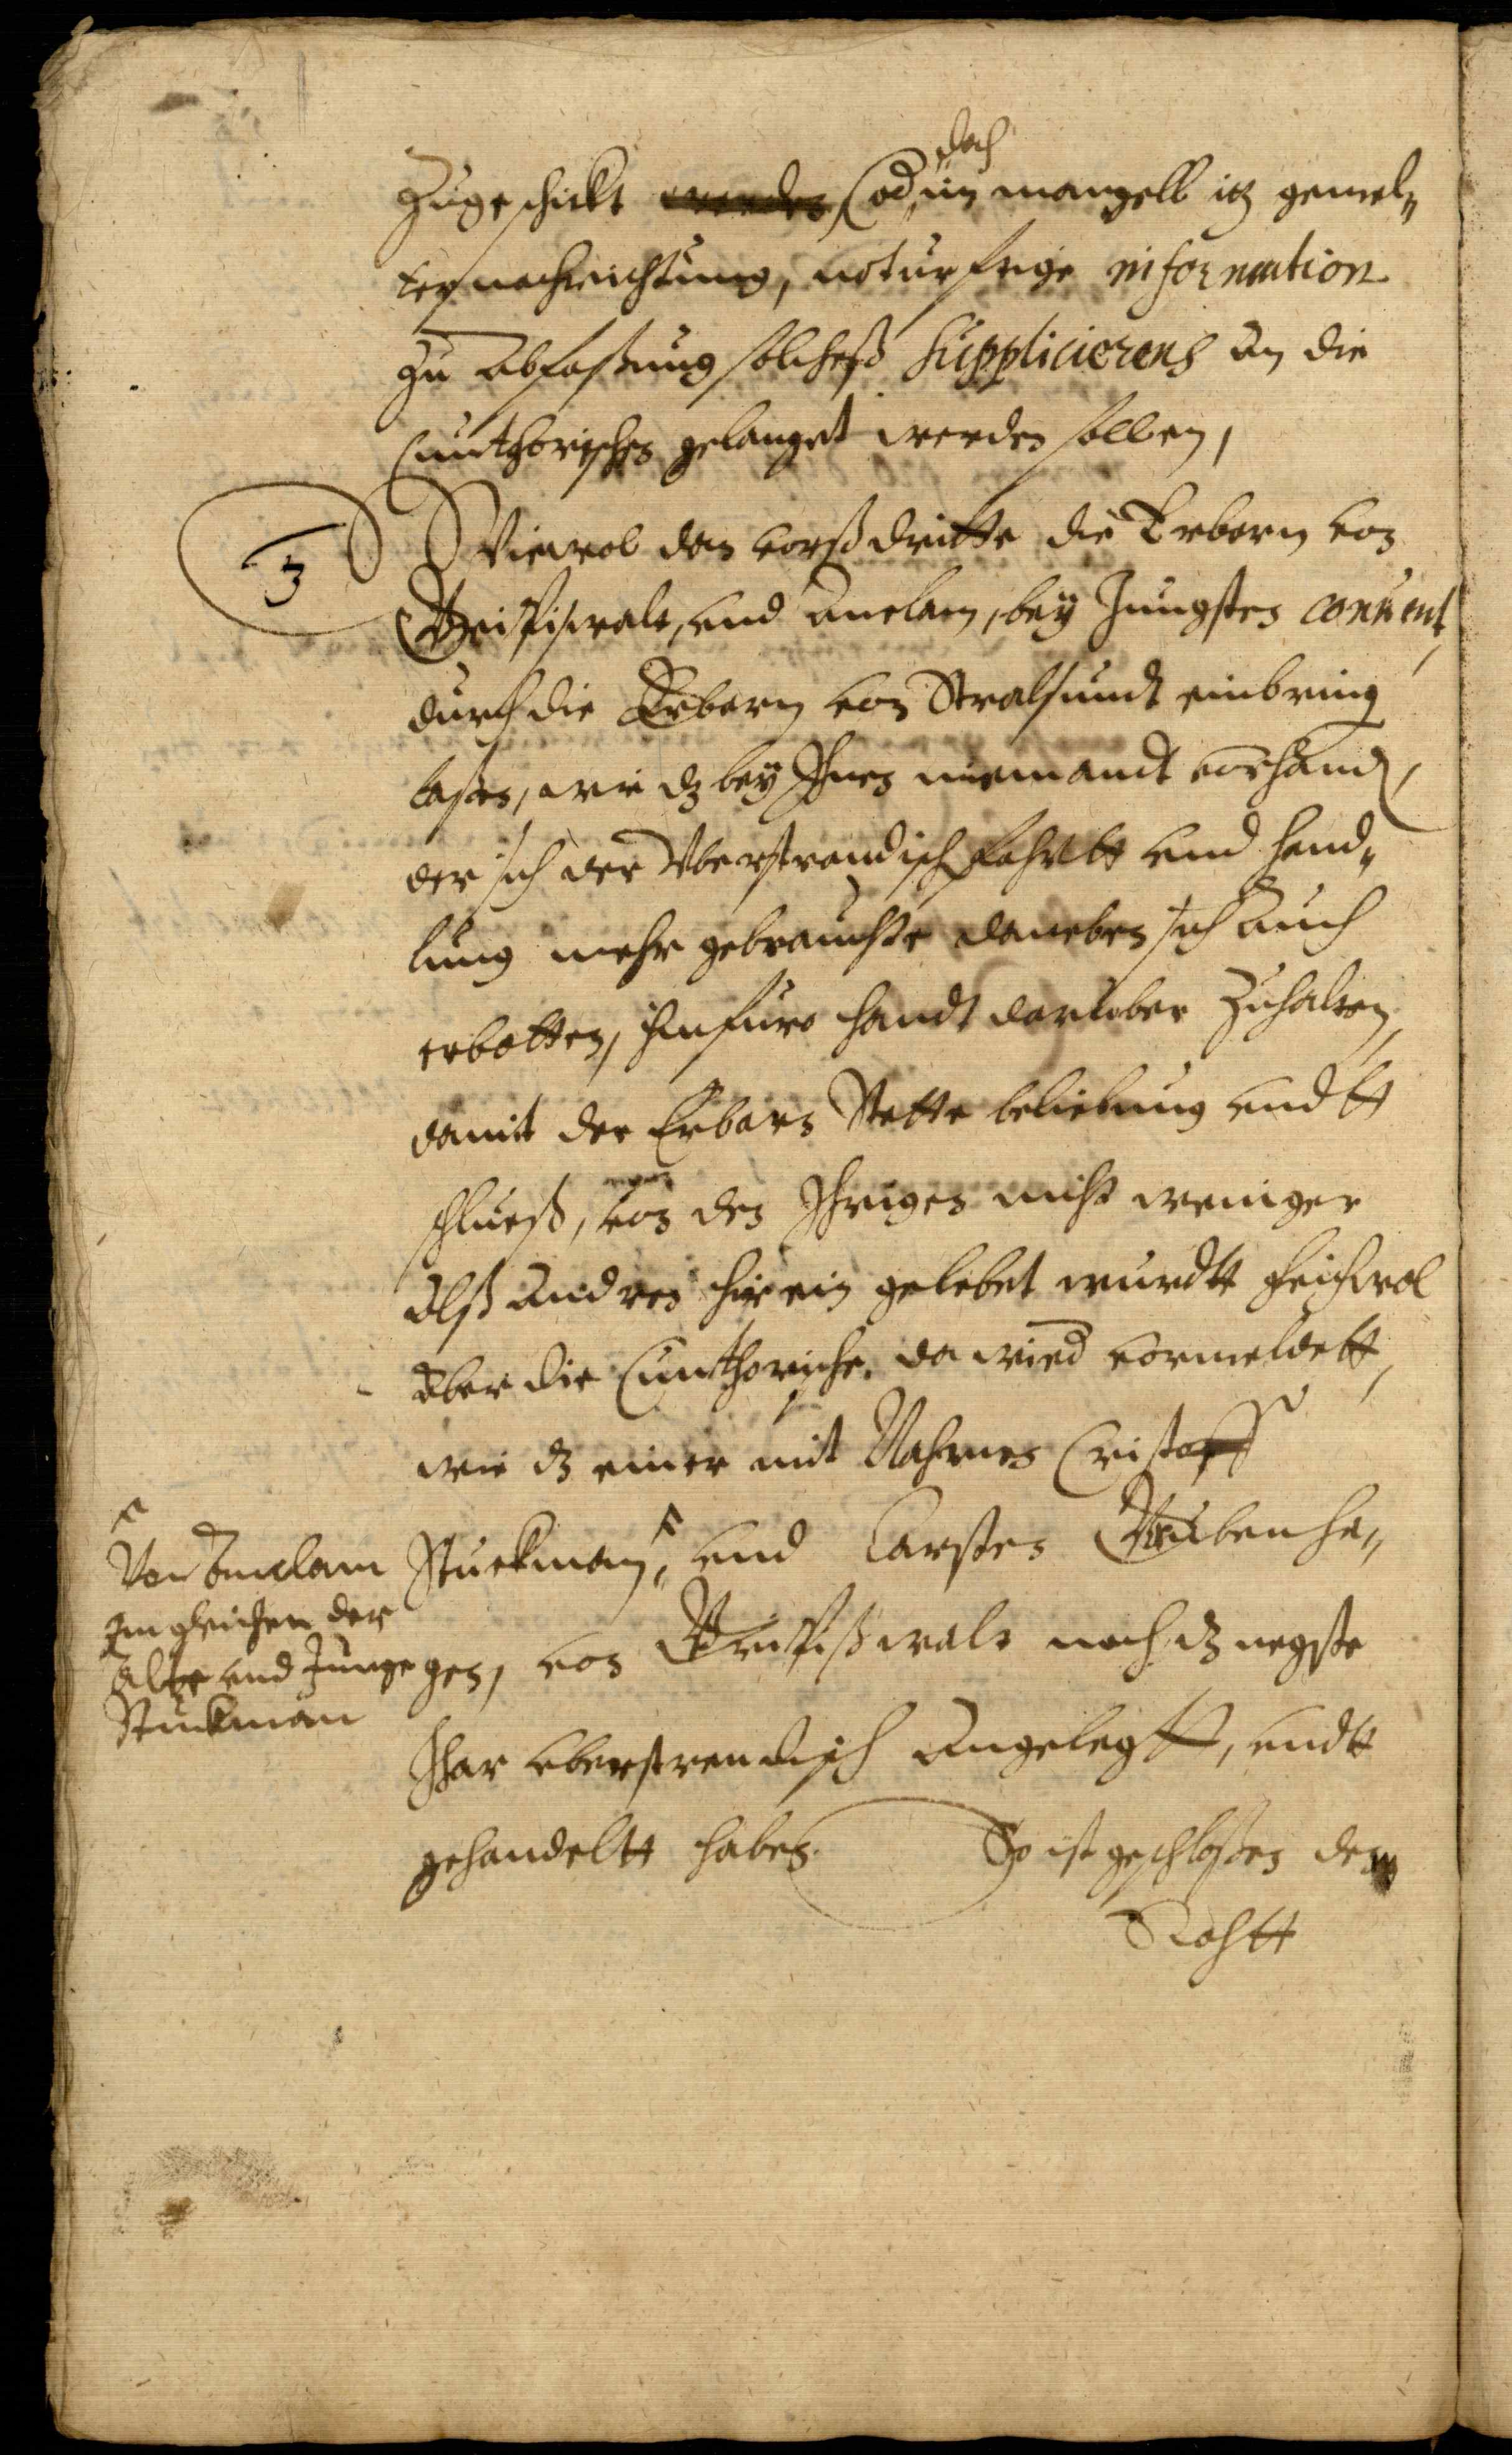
zugeschickt werden oder doch ein mangell itz gemel¬
ter nachrichtung, noturftige information
zu Abfaßung solcheß Supplicierens An die
Cunthorischen gelanget werden sollen,
3
Wiewol dan vorß dritte die Erbarn von
Greipiswalt, vnd Anclam, beij Jungsten conuent,
durch die Erbarn von Stralsundt einbringen
laßen, wie das beij Ihren niemandt vorhanden,
der sich der Vberstrandischen fahrtt vnd hand¬
lung mehr gebrauchte daneben sich Auch
erbotten, hinfuro handt daruber zuhalten,
damit der Erbarn Stette beliebung vndtt
schlueß, von den Ihrigen nicht weniger
Alß Andren hier ein gelebet wurdtt gleichwol
Aber die Cunthorische da wieder vormeldett,
wie das einer mit Nahmen Cristoff
Stuckman, F vnd Carsten Grubenha¬
gen, von Gripißwalt nach das negste
Jhar vberstrandisch Angelegtt, vndtt
gehandeltt haben. So ist geschloßen dem
Rahtt
F
Von Anclam
Im gleichen der
Alte vnd Junge
Stuckman
